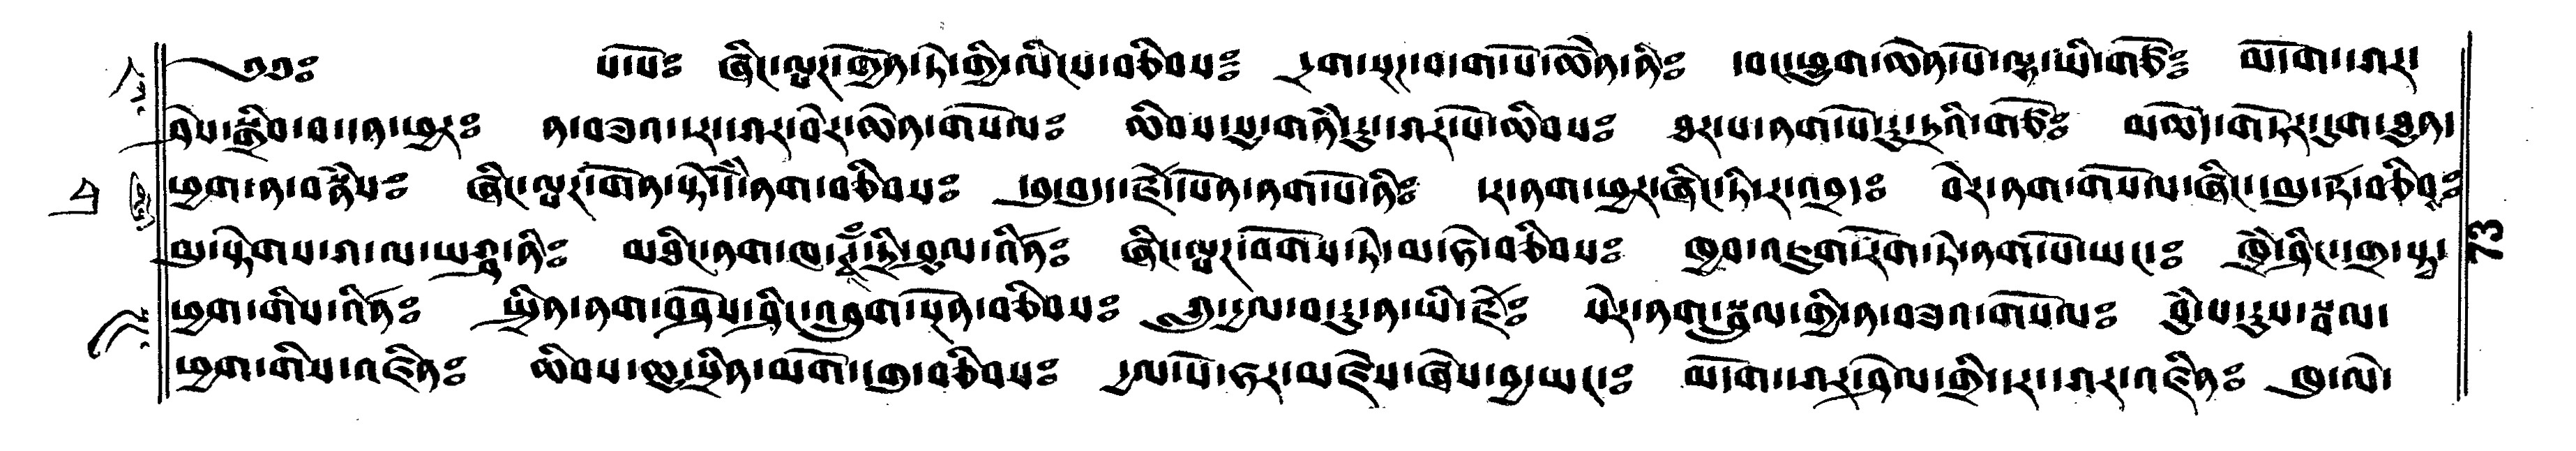པ་པོཿ ཞིང་ལྤགས་གྱོན་ཏེ་གྱི་ལིང་བཅིབས༔ དྲག་སྔགས་བདག་པོ་ཆེན་པོ་ནིཿ དབང་ཕྱུག་ཆེན་པོ་ལྷ་ཡི་གཙོ༔ མདོག་དཀར་
ཤེལ་གྲིབ་བ་དན་འཕྱརཿ ན་བཟའ་དར་དཀར་བེར་ཆེན་གསོལཿ ཆིབས་སུ་གནམ་རུ་དཀར་པོ་བཅིབསཿ ཐར་པ་ནག་པོ་རུ་ཏྲའི་གཙོཿ མཆོད་གཏོར་དུག་ཐུན་
ཕྱག་ན་བསྣམསཿ ཞིང་ལྤགས་གོན་སྟེ་དོམ་ནག་བཅིབསཿ དམུ་བདུད་རྗེ་དཔོན་ནག་པོ་ནིཿ དར་ནག་འཕྱར་ཞིང་ཏི་ར་འབྲདཿ བེར་ནག་གསོལ་ཞིང་དམུ་རྟ་བཅིབསཿ 
མུ་སྟེགས་ཀ་ལ་ཡཀྴ་ནིཿ མཐིང་ནག་ཁ་ཊྭཾའ་ཏྲི་ཤུལ་འཛིནཿ ཞིང་ལྤགས་གོན་ཏེ་མ་ཧེ་བཅིབསཿ ཁྱབ་འཇུག་རོག་ཏེ་ནག་པོ་ཡང་ཿ ཁྲམ་ཤིང་དགྲ་སྟྭ་
ཕྱག་གིས་འཛིནཿ སྤྲིན་ནག་བཤོས་ཤིང་འབྲུག་སྔོན་བཅིབསཿ ཀླུ་རྒྱལ་བཱ་རུ་ན་ཡི་རྗེཿ སེར་ནག་སྦྲུལ་གྱི་ན་བཟའ་གསོལཿ བུམ་པ་རུས་སྦལ་
ཕྱག་གིས་འཛིནཿ ཆིབས་སུ་ཆུ་སྲིན་མགོ་དགུ་བཅིབསཿ རྒྱལ་པོ་ཧར་མཛེས་ཞེས་བྱ་ཡང་ཿ མདོག་དཀར་ཤེལ་གྲི་དར་དཀར་འཛིནཿ ཁུ་ལེ་